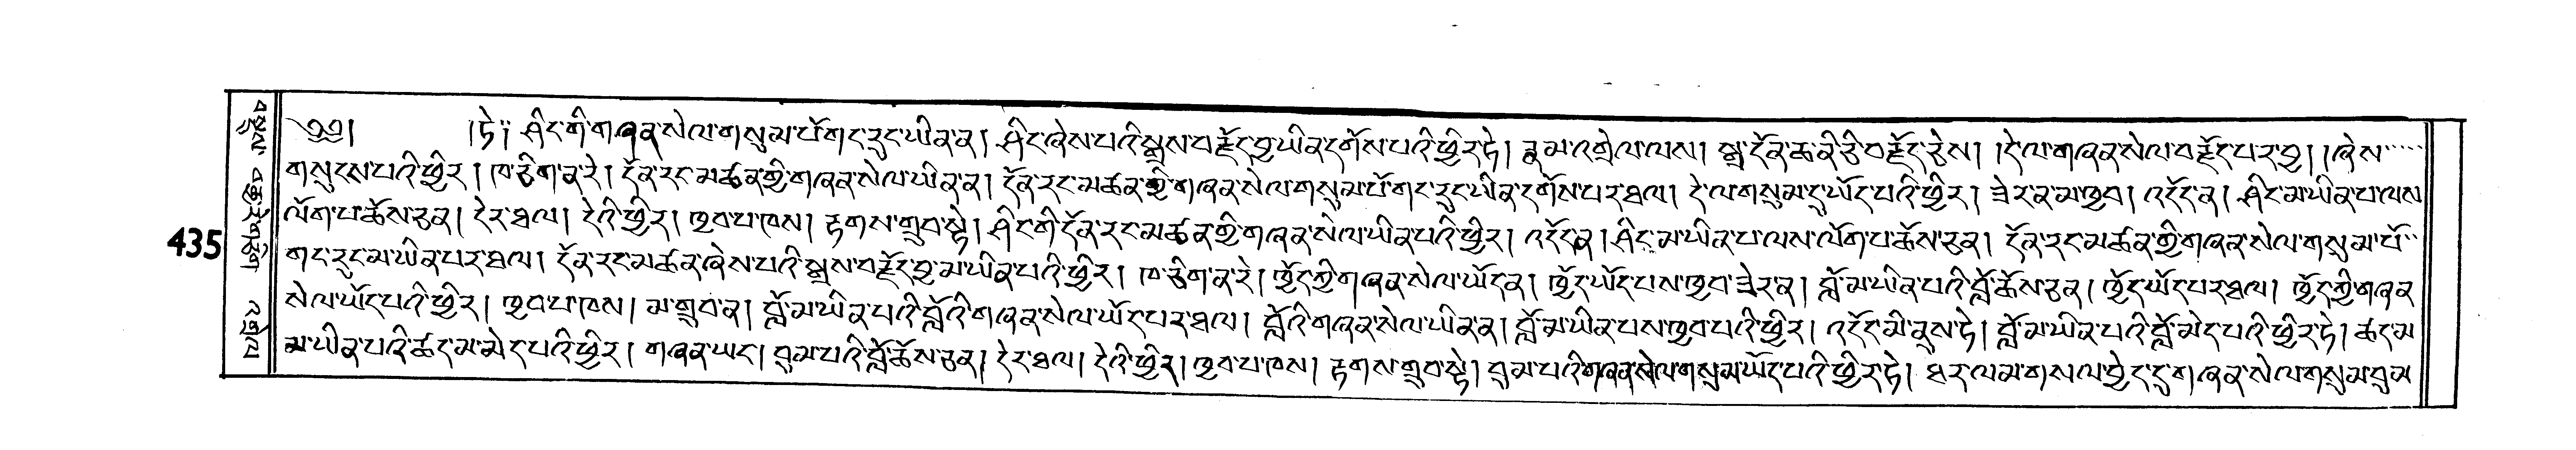༄༅། །ཏེ༑ ཤིང་གི་གཞན་སེལ་གསུམ་པོ་གང་རུང་ཡིན་ན། ཤིང་ཞེས་པའི་སྒྲས་བརྗོད་བྱ་ཡིན་དགོས་པའི་ཕྱིར་ཏེ། རྣམ་འགྲེལ་ལས། སྒྲ་དོན་ཆ་ནི་ཅི་བརྗོད་ཅེས། །དེ་ལ་གཞན་སེལ་བརྗོད་པར་བྱ། །ཞེས་
གསུངས་པའི་ཕྱིར། ཁ་ཅིག་ན་རེ། དོན་རང་མཚན་གྱི་གཞན་སེལ་ཡིན་ན། དོན་རང་མཚན་གྱི་གཞན་སེལ་གསུམ་པོ་གང་རུང་ཡིན་དགོས་པར་ཐལ། དེ་ལ་གསུམ་དུ་ཡོད་པའི་ཕྱིར། ཟེར་ན་མ་ཁྱབ། འདོད་ན། ཤིང་མ་ཡིན་པ་ལས་
ལོག་པ་ཆོས་ཅན། དེར་ཐལ། དེའི་ཕྱིར། ཁྱབ་པ་ཁས། རྟགས་གྲུབ་སྟེ། ཤིང་གི་དོན་རང་མཚན་གྱི་གཞན་སེལ་ཡིན་པའི་ཕྱིར། འདོད་ན། ཤིང་མ་ཡིན་པ་ལས་ལོག་པ་ཆོས་ཅན། དོན་རང་མཚན་གྱི་གཞན་སེལ་གསུམ་པོ་
གང་རུང་མ་ཡིན་པར་ཐལ། དོན་རང་མཚན་ཞེས་པའི་སྒྲས་བརྗོད་བྱ་མ་ཡིན་པའི་ཕྱིར། ཁ་ཅིག་ན་རེ། ཁྱོད་ཀྱི་གཞན་སེལ་ཡོད་ན། ཁྱོད་ཡོད་པས་ཁྱབ་ཟེར་ན། བློ་མ་ཡིན་པའི་བློ་ཆོས་ཅན། ཁྱོད་ཡོད་པར་ཐལ། ཁྱོད་ཀྱི་གཞན་
སེལ་ཡོད་པའི་ཕྱིར། ཁྱབ་པ་ཁས། མ་གྲུབ་ན། བློ་མ་ཡིན་པའི་བློའི་གཞན་སེལ་ཡོད་པར་ཐལ། བློའི་གཞན་སེལ་ཡིན་ན། བློ་མ་ཡིན་པས་ཁྱབ་པའི་ཕྱིར། འདོད་མི་ནུས་ཏེ། བློ་མ་ཡིན་པའི་བློ་མེད་པའི་ཕྱིར་ཏེ། ཚད་མ་
མ་ཡིན་པའི་ཚད་མ་མེད་པའི་ཕྱིར། གཞན་ཡང་། བུམ་པའི་བློ་ཆོས་ཅན། དེར་ཐལ། དེའི་ཕྱིར། ཁྱབ་པ་ཁས། རྟགས་གྲུབ་སྟེ། བུམ་པའི་གཞན་སེལ་གསུམ་ཡོད་པའི་ཕྱིར་ཏེ། ཐར་ལམ་གསལ་བྱེད་དུ་གཞན་སེལ་གསུམ་བུམ་